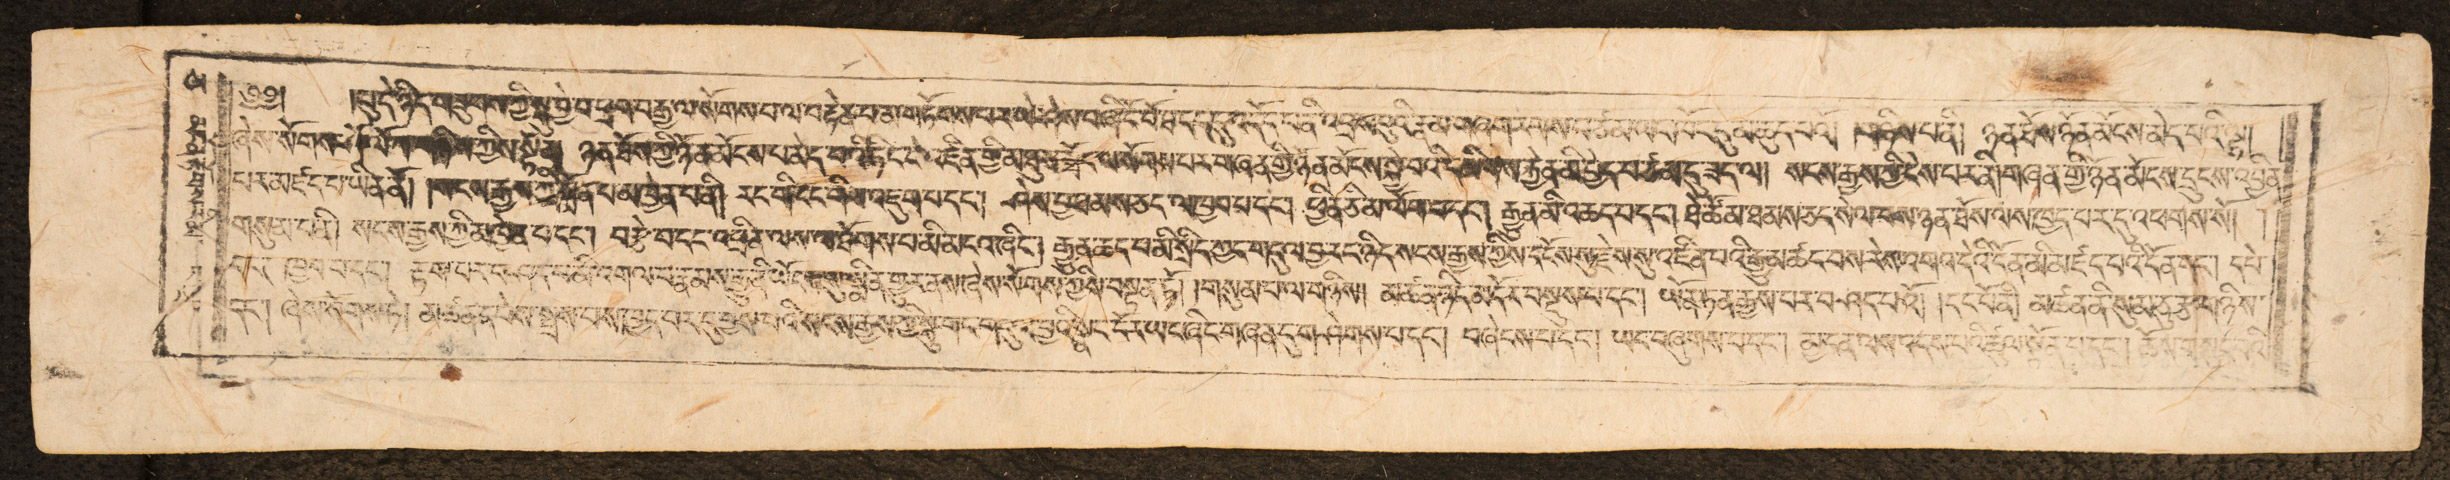༄༅། །པུ་དེ་ཉིད་གཟུགས་ཀྱི་སྐུ་བྱེ་བ་ཕྲག་བརྒྱ་ལ་སོགས་པ་ལ་བརྟེན་པ་མ་གཏོགས་པར་ཡེ་ཤེས་བཞི་ངོ་བོ་ཐ་དད་དུ་འདོད་པ་ནི་འབྲས་བུའི་རྣམ་གཞག་རགས་པ་ཙམ་ཡང་ཁོང་དུ་མ་ཆུད་པའོ། །གཉིས་པ་ནི། ཉན་ཐོས་ཉོན་མོངས་མེད་པའི་ལྟ།
ཞེས་སོགས་ཤོ་ལོ་ཀ་གཉིས་ཀྱིས་སྟོན། ཉན་ཐོས་གྱི་ཉོན་མོངས་པ་མེད་པའི་ཏིང་ངེ་འཛིན་གྱི་མཐུས་གྲོང་ལ་སོགས་པར་གཞན་གྱི་ཉོན་མོངས་སྐྱེ་བའི་དམིགས་རྐྱེན་མི་བྱེད་པ་ཙམ་དུ་ཟད་ལ། སངས་རྒྱས་ཀྱི་ངེས་པར་ནི། གཞན་གྱི་ཉོན་མོངས་དྲུངས་འབྱིན་
པར་མཛད་པ་ཡིན་ནོ། །སངས་རྒྱས་ཀྱི་སྨོན་པ་མཁྱེན་པ་ནི། རང་གི་ངང་གིས་འཇུག་པ་དང་། ཤེས་བྱ་ཐམས་ཅད་ལ་ཁྱབ་པ་དང་། ཕྱིན་ཅི་མ་ལོག་པ་དང་། རྒྱུན་མི་འཆད་པ་དང་། ཐེ་ཚོམ་ཐམས་ཅད་སེལ་བས་ཉན་ཐོས་ལས་ཁྱད་པར་དུ་འཕགས་སོ། །
གསུམ་པ་ནི། སངས་རྒྱས་ཀྱི་མཁྱེན་པ་དང་། བརྩེ་བ་དང་འཕྲིན་ལས་ལ་ཐོགས་པ་མི་མངའ་ཞིང་། རྒྱུན་ཆད་པ་མི་སྲིད་ཀྱང་གདུལ་བྱ་རང་ཉིད་སངས་རྒྱས་ཀྱིས་དངོས་སུ་རྗེས་སུ་འཛིན་པའི་རྒྱུ་མ་ཚང་བས་རེས་འགའ་དེའི་དོན་མི་མཛད་པའི་དོན་དང་། དཔེ་
དང་། ཁྱབ་པ་དང་། རྟག་པར་བཤད་པ་མི་འགལ་བ་རྣམས་རྒྱུ་ནི་ཡོངས་སུ་སྨིན་གྱུར་ནས་ཞེས་སོགས་ཀྱིས་བསྟན་ཏོ། །གསུམ་པ་ལ་གཉིས། མཚན་ཉིད་མདོར་བསྡུས་པ་དང་། ཡོན་ཏན་རྒྱས་པར་བཤད་པའོ། །དང་པོ་ནི། མཚན་ནི་སུམ་ཅུ་རྩ་གཉིས་
དང་། ཞེས་སོགས་ཏེ། མཚན་དཔེས་སྤྲས་པས་ཁྱད་པར་དུ་བྱས་པའི་སངས་རྒྱས་ཀྱི་སྐུ་གང་གདུལ་བྱའི་སྣང་ངོར་ཡང་ཞིང་གཞན་དུ་གཤེགས་པ་དང་། བཞེངས་པ་དང་། ཡང་བཞུགས་པ་དང་། མྱ་ངན་ལས་འདས་པའི་ཚུལ་སྟོན་པ་དང་། ཆོས་གསུངས་བའི་